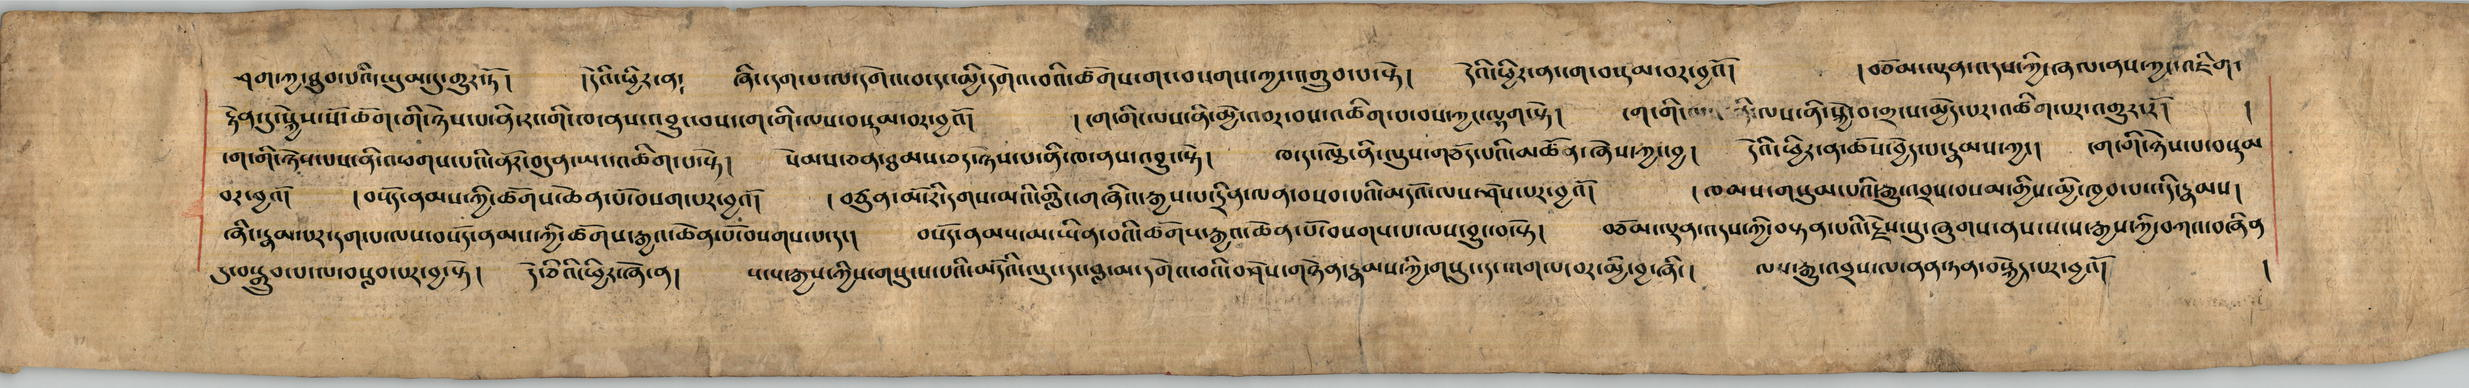ཤག་ཀྱ་ཐུབ་པའི་ཡུམ་དུ་གྱུར་ཏོ། །དེའི་ཕྱིར་ན༴ ཞིང་དག་པ་ལ་དགེའ་བ་དང་མྱི་དགེའ་བའི་ཚོགས་གང་བསགས་ཀྱང་འགྲུབ་པ་སྟེ། དེའི་ཕྱིར་ན་ངག་བསྡམ་བར་བྱའོ། །བཅོམ་ལྡན་འདས་ཀྱི་ཞལ་ནས་ཀྱང་འཇིག་
རྟེན་དུ་སྐྱེས་སོ་ཆོག་གི་ཉེས་པ་ནི་རང་གི་ཁ་ནས་འབྱུང་བས་ངག་གི་ལས་བསྡམ་བར་བྱའོ། །ངག་གི་ལས་ནི་མྱི་འབར་བས་འཚིག་པ་བས་ཀྱང་ལྷག་སྟེ། ངག་གི་ལས་ནི་ལས་ནི་སྐྱེ་བ་གྲངས་མྱེད་པར་འཚིགས་པར་འགྱུར་རོ།
ངག་གི་ཉེས་པས་ནི་འཕགས་པའི་ནོར་བདུན་ཡང་འཚིག་པ་སྟེ། སེམས་ཅན་ཐམས་ཅད་ཉེས་པ་ནི་ཁ་ནས་འབྱུང་སྟེ། ཁ་དང་ལྕེ་ནི་ལུས་གཅོད་པའི་མཚོན་ཞེས་ཀྱང་བྱ། དེའི་ཕྱིར་ན་ཆོས་བྱེད་པ་རྣམས་ཀྱང། ངག་གི་ཉེས་པ་བསྡམ
བར་བྱའོ། །བསོད་ནམས་ཀྱི་ཚོགས་ཆེན་པོ་བསག་པར་བྱའོ། །བཙུན་མོ་རི་དགས་མའི་གླིང་གཞིའ་རྒྱས་པ་དྲི་ལན་བསབ་པའི་མདོའ་ལས་ཤེས་པར་བྱའོ། ཁམས་གསུམ་པའི་རྒྱུ་འབྲས་བསམ་གྱིས་མྱི་ཁྱབ་པ་འདི་རྣམས།
ཞིང་རྣམ་པར་དག་པ་ལས་བསོད་ནམས་ཀྱི་ཚོགས་རྒྱའ་ཆེན་པོ་བསགས་པ་དང། བསོད་ནམས་མ་ཡིན་བའི་ཚོགས་རྒྱའ་ཆེན་པོ་བསགས་པ་ལས་བྱུང་བ་སྟེ། བཅོམ་ལྡན་འདས་ཀྱི་བསྟན་པའི་རྗེས་སུ་ཞུགས་ནས་སངས་རྒྱས་ཀྱི་བཀའ་བཞིན
དུ་བསྒྲུབ་པ་ལ་བསླབ་པར་བྱ་སྟེ། དེ་ཅིའི་ཕྱིར་ཞེ་ན། སངས་རྒྱས་ཀྱིས་གསུངས་པའི་མདོའི་ལུང་དང་བླ་མ་དགེའ་བའི་བཤེས་གཉེན་རྣམས་ཀྱི་གསུང་དང་འགལ་བར་མྱི་བྱ་ཞིང། ལས་རྒྱུ་འབྲས་ལ་ནན་ཏན་བསྐྱེད་པར་བྱའོ།